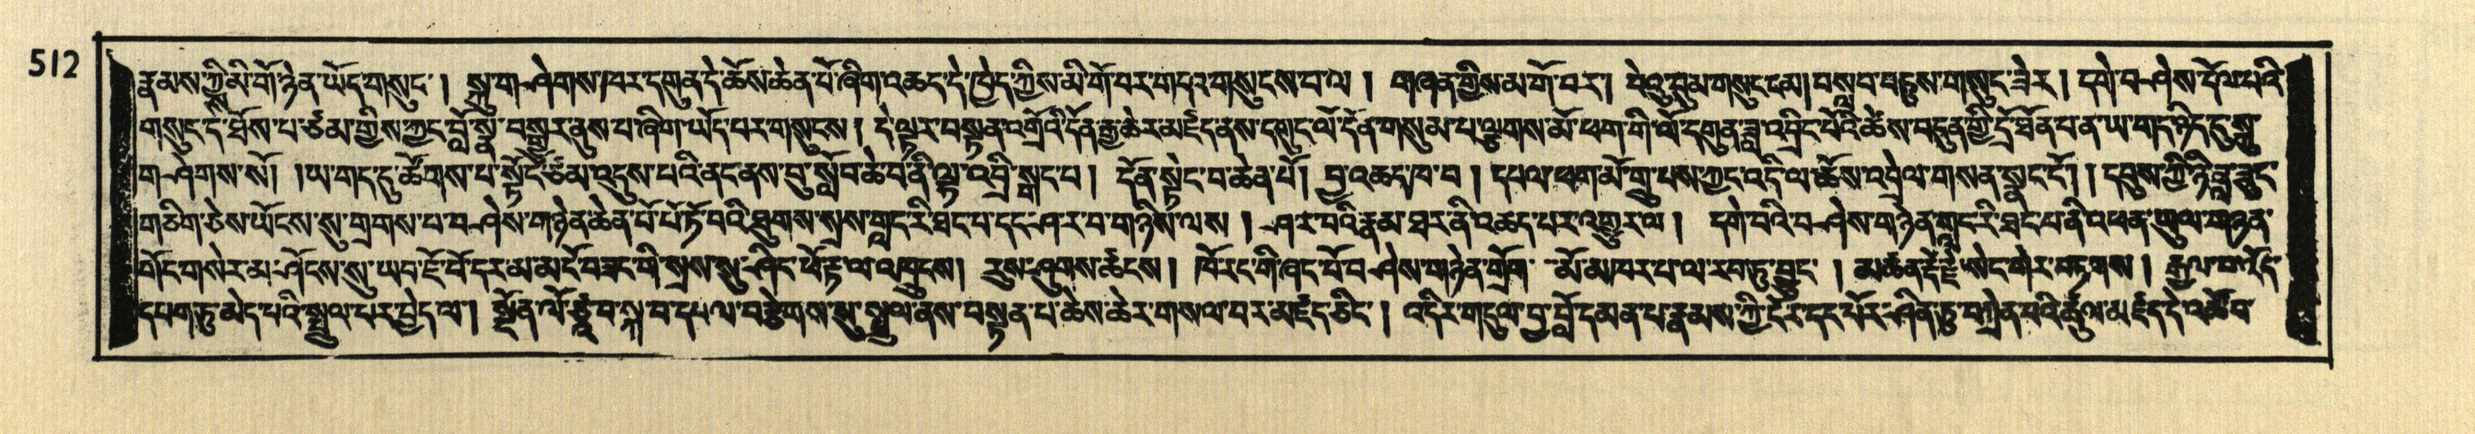རྣམས་ཀྱིས་མི་གོ་ཉེན་ཡོད་གསུང་། སྐུ་གཤེགས་ཁར་དགུན་དེ་ཆོས་ཆེན་པོ་ཞིག་འཆད་དེ་ཁྱེད་ཀྱིས་མི་གོ་བར་གདའ་གསུངས་པ་ལ། གཞན་གྱིས་མ་གོ་བར། བེའུ་བུམ་གསུང་ངམ། བསླབ་བཏུས་གསུང་ཟེར། དགེ་བཤེས་དོལ་པའི་
གསུང་དེ་ཐོས་པ་ཙམ་གྱིས་ཀྱང་བློ་སྣ་བསྒྱུར་ནུས་པ་ཞིག་ཡོད་པར་གསུངས། དེ་ལྟར་བསྟན་འགྲོའི་དོན་རྒྱ་ཆེར་མཛད་ནས་དགུང་ལོ་དོན་གསུམ་པ་ལྕགས་མོ་ཕག་གི་ལོ་དགུན་ཟླ་འབྲིང་པོའི་ཚེས་བདུན་གྱི་དྲོ་ཐོན་པ་ན་ཡ་གད་ཉིད་དུ་སྐུ་
གཤེགས་སོ། །ཡ་གང་དུ་ཚོགས་པ་སྟོང་ཙམ་འདུས་པའི་ནང་ནས་བུ་སློབ་ཆེ་བ་ནི་ལྷ་འབྲི་སྒང་པ། དོན་སྟེང་བ་ཆེན་པོ། བྱ་འཆད་ཁ་བ། དཔལ་ཕག་མོ་གྲུ་པས་ཀྱང་འདི་ལ་ཆོས་འབྲེལ་གསན་སྣང་ངོ། །དབུས་ཀྱི་ཉི་ཟླ་ཟུང་
གཅིག་ཅེས་ཡོངས་སུ་གྲགས་པ་བཤེས་གཉེན་ཆེན་པོ་པོ་ཏོ་བའི་ཐུགས་སྲས་གླང་རི་ཐང་པ་དང་ཤ་ར་བ་གཉིས་ལས། ཤར་བའི་རྣམ་ཐར་ནི་འཆད་པར་འགྱུར་ལ། དགེ་བའི་བཤེས་གཉེན་གླང་རི་ཐང་པ་ནི་འཕན་ཡུལ་གཉན་
གོང་གསེར་མ་ཤོངས་སུ་ཡབ་ཇོ་བོ་དར་མ་མངོ་བཟང་གི་སྲས་སུ་ཤིང་ཕོ་རྟ་ལ་འཁྲུངས། རུས་ཤུགས་ཚངས། ཁོ་རང་གི་ཞང་པོ་བཤེས་གཉེན་གྲོག་མོ་མཁར་པ་ལ་རབ་ཏུ་བྱུང་། མཚན་རྡོ་རྗེ་སེང་གེར་བཏགས། རྒྱལ་བ་འོད་
དཔག་ཏུ་མེད་པའི་སྤྲུལ་པར་བྱེད་ལ། སྔོན་ལོ་ཙཱ་བ་སྐ་བ་དཔལ་བརྩེགས་སུ་སྤྲུལ་ནས་བསྟན་པ་ཆེས་ཆེར་གསལ་བར་མཛད་ཅིང་། འདིར་གདུལ་བྱ་བློ་དམན་པ་རྣམས་ཀྱི་ངོར་དང་པོར་ཤིན་ཏུ་བཀྲེན་པའི་ཚུལ་མཛད་དེ་འཚོ་བ་